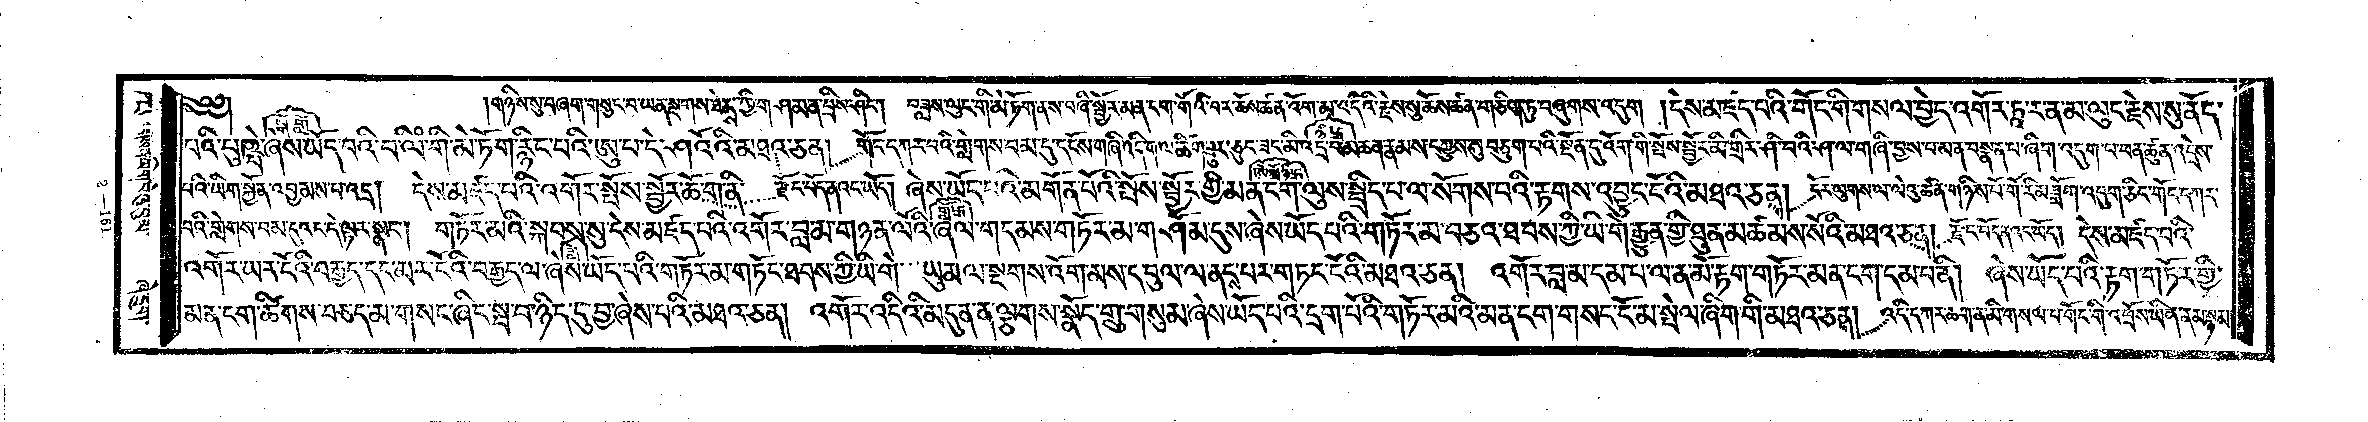༄༅། །གཉིས་སུ་བཞག་གསུང་བ་ཡན་སྔགས་ཐེམས་ཀྱི་གཤམ་ན་བྲིས་ཤིང་། བཟླས་ལུང་གི་མེ་ཏོག་ནས་བཞི་སྦྱོར་མན་ངག་གོའི་བར་ཆོས་ཚན་འོག་མ་འདིའི་རྗེས་སུ་ཆོས་ཚན་གཅིག་ཏུ་བཞུགས་འདུག་།དེས་མཛད་པའི་གོང་གི་གསལ་བྱེད་འགོར་ཏཱ་ར་ན་མ་ལུང་རྗེས་སུ་ནོད་
པའི་པུཥྤེ་ཞེས་ཡོད་པའི་བ་ལིཾ་གི་མེ་ཏོག་རྙིང་པའི་ཨུ་པ་དེ་ཤའོའི་མཐའ་ཅན། གོང་དཀར་བའི་གླེགས་བམ་དུ་དངོས་གཞི་འདི་གལ་ཚིག་ཟུར་ཅུང་ཟང་མི་འདྲ་བ་མཆན་རྣམས་དཀྱུས་སུ་བཅུག་པའི་སྔོན་དུ་འོག་གི་སྤོས་སྦྱོར་མི་གྲིར་ཤི་བའི་ཤལ་གཞི་བྱས་པ་མན་བསྣན་པ་ཞིག་འདུག་པ་ཕན་ཚུན་འདྲེས་
པའི་ཡིག་སྐྱོན་འབྱམས་པ་འདྲ། དེས་མཛད་པའི་འགོར་སྤོས་སྦྱོར་ཆོ་ག་ནི། རྫོང་བོད་ནའང་ཡོད།  ཞེས་ཡོད་པའི་མགོན་པོའི་སྤོས་སྦྱོར་གྱི་མན་ངག་ལུས་སྤྲིད་པ་ལ་སོགས་པའི་རྟགས་འབྱུང་ངོའི་མཐའ་ཅན། ངོར་ལུགས་ལ་ལེའུ་ཚན་གཉིས་པོ་གོ་རིམ་ཟློག་འདུག་ཅིང་གོང་དཀར་
པའི་གླེགས་བམ་དུའང་དེ་ལྟར་སྣང་། གཏོར་མའི་སྐབས་སུ་དེས་མཛད་པའི་འགོར་བླ་མ་གཉན་ལོའི་ཞལ་གདམས་གཏོར་མ་གཤོམ་དུས་ཡོད་པའི་ཏོར་མ་བཅའ་ཐབས་ཀྱི་ཡི་གེ་རྒྱུན་གྱི་ཐུན་མཚམས་སོའི་མཐའ་ཅན། རྫོང་བོད་ནའང་ཡོད།  དེས་མཛད་པའི་
འགོར་ཡར་ངོའི་བརྒྱད་དང་མར་ངོའི་བརྒྱད་ལ་ཞེས་ཡོད་པའི་གཏོར་མ་གཏོང་ཐབས་ཀྱི་ཡི་གེ་ཡུམ་ལ་སྔགས་འོག་མ་དབུལ་ལ་ནངས་པར་གཏང་ངོའི་མཐའ་ཅན། འགོར་བླ་མ་དམ་པ་ལན་མོ་རྟག་གཏོར་མན་ངག་དམ་བ་ནི། ཞེས་ཡོད་པའི་རྟག་གཏོར་གྱི་
མན་ངག་ཚིགས་བཅད་མ་གསང་ཞིང་སྤ་བ་ཉིད་དུ་བྱ་ཞེས་པའི་མཐའ་ཅན། འགོར་འདིའི་མདུན་ན་ལྕགས་སྣོད་གྲུ་གསུམ་ཞེས་ཡོད་པའི་དྲག་པོའི་གཏོར་མའི་མན་ངག་གསང་ངོ་མ་སྤེལ་ཞིག་གི་མཐའ་ཅན་འདི་དཀར་ཆག་ན་མི་གསལ་བ་གོང་གི་འཕྲོས་ཡིན་ནམ་སྙམ